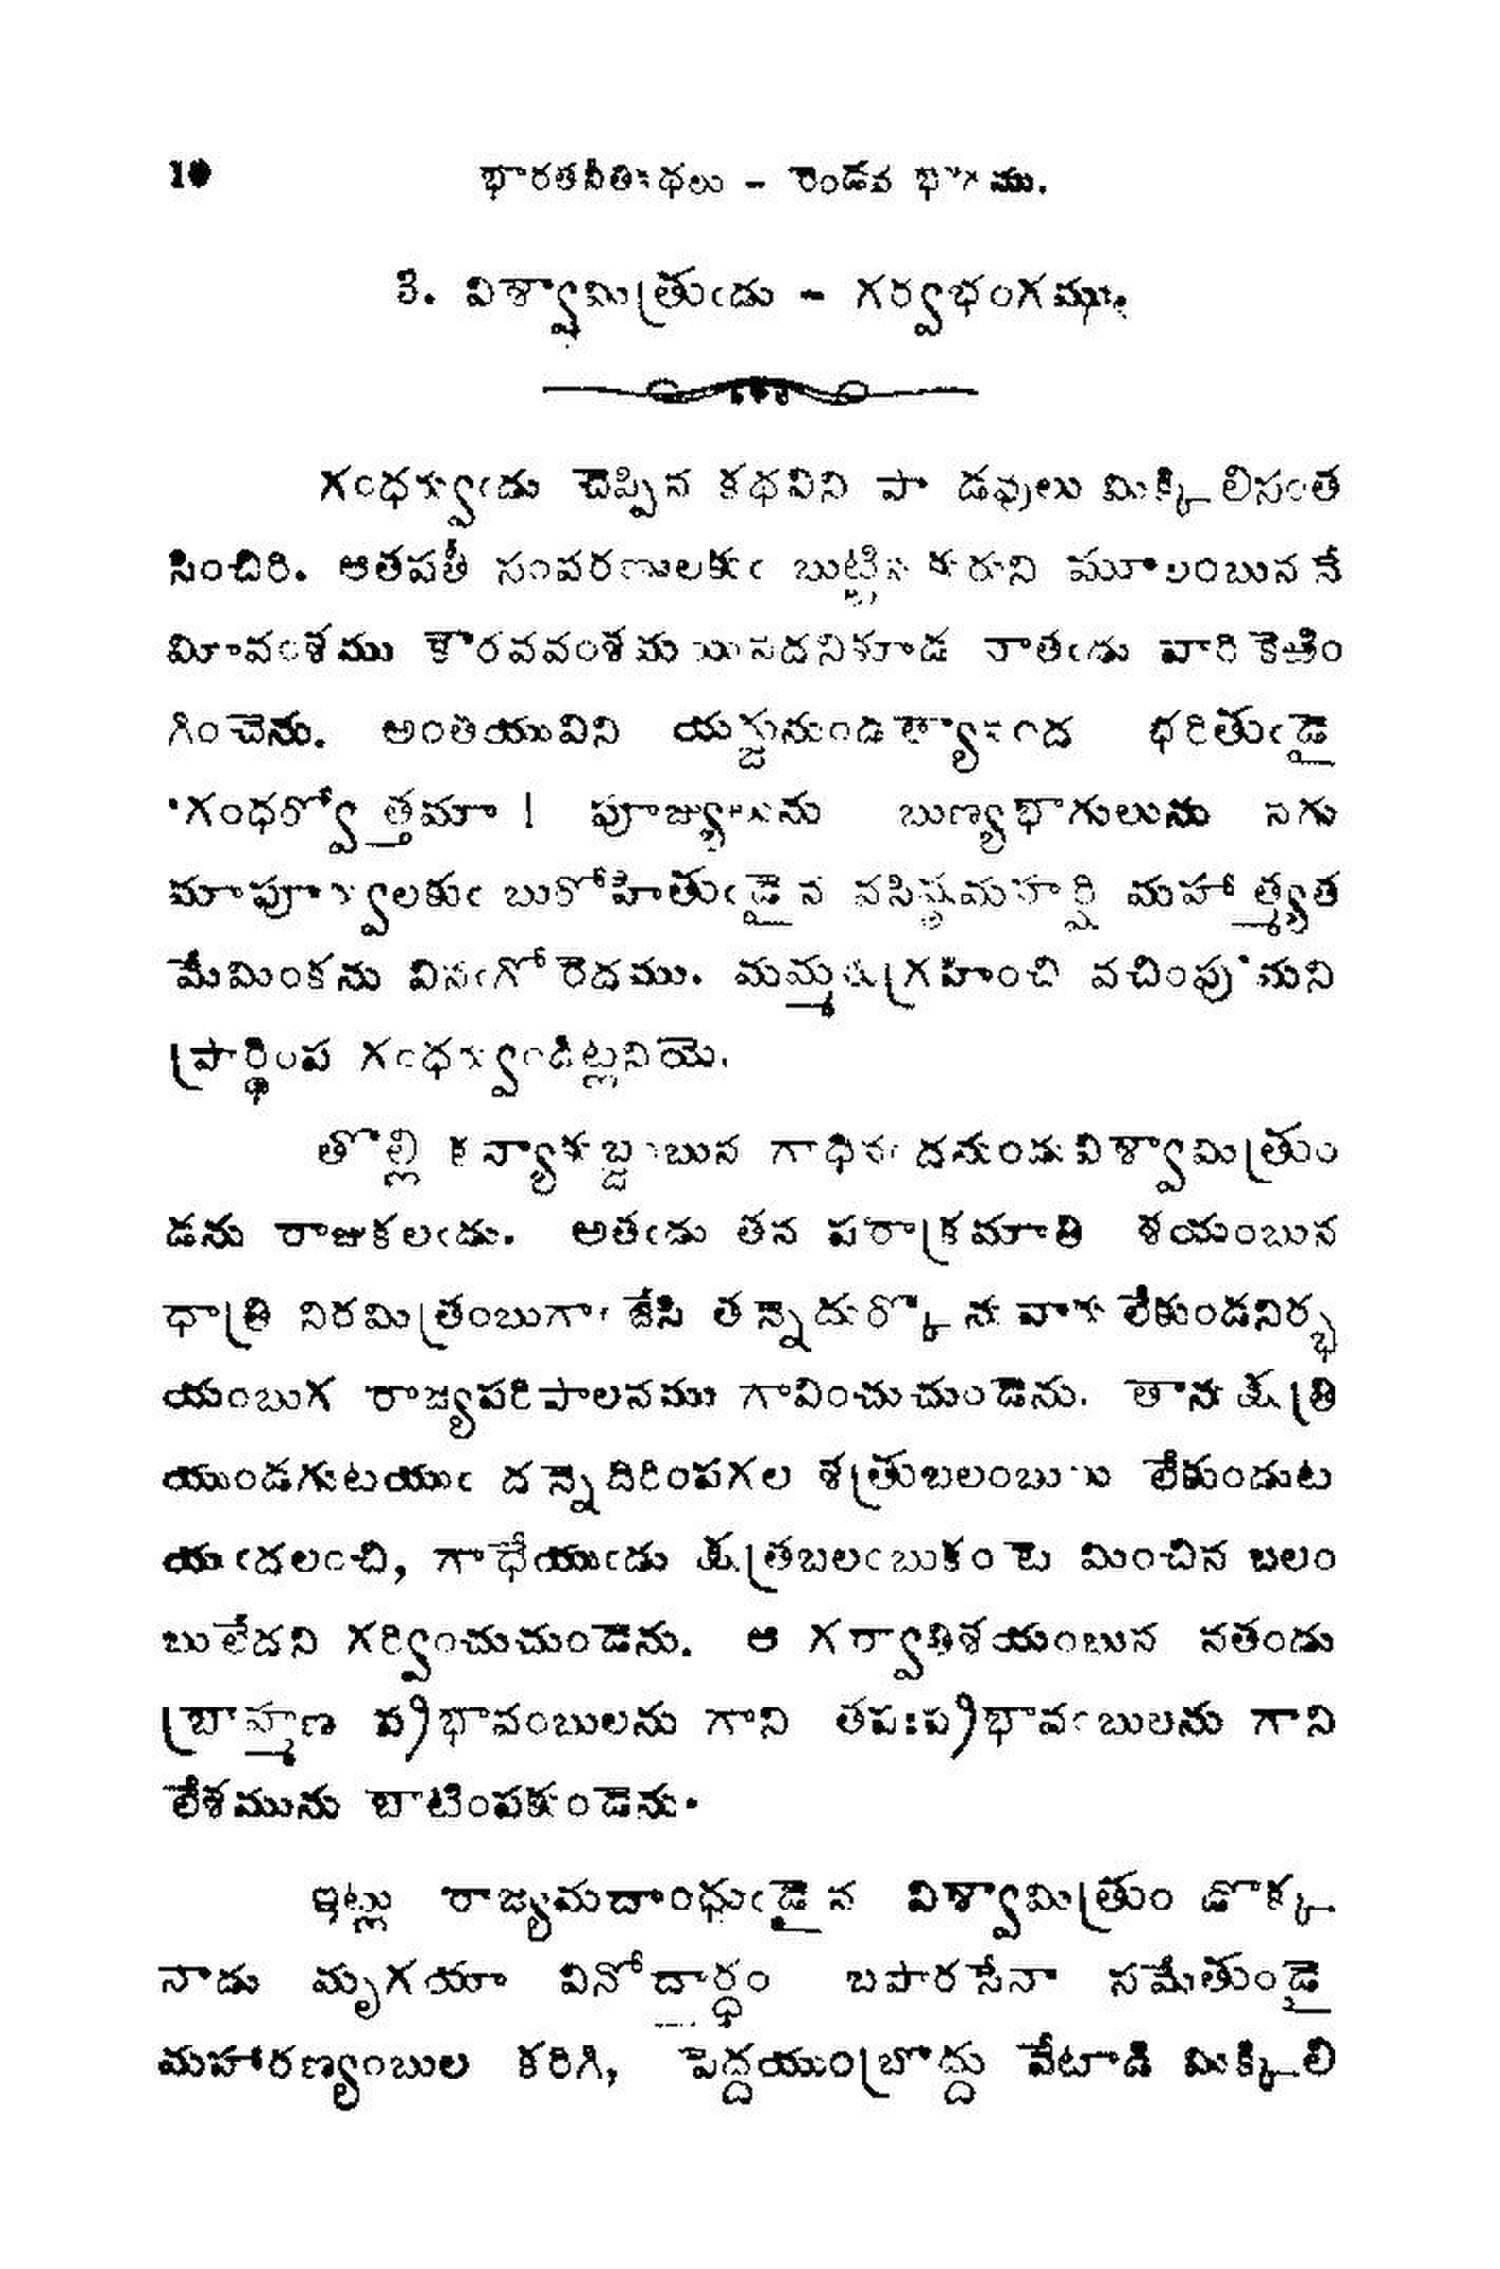3. విశ్వామిత్రుఁడు - గర్వభంగము.

గంధర్వుడు చెప్పిన కథవిని పాండవులు మిక్కిలిసంతసించిరి. ఆతపతీ సంవరణులకుఁ బుట్టిన కురుని మూలంబుననే మీవంశము కౌరవవంశమయినదనికూడ నాతఁడు వారి కెఱింగించెను. అంతయువిని యర్జునుండత్యానంద భరితుఁడై గంధర్వోత్తమా ! పూజ్యులును బుణ్యభాగులును నగు మాపూర్వులకుఁ బురోహితుఁడైన వసిష్టమహర్షి మహాత్మ్యత మేమింకను వినఁగోరెదము. మమ్మనుగ్రహించి వచింపు మని ప్రార్థింప గంధర్వుండిట్లనియె.

తొల్లి కన్యాకుబ్జంబున గాధిన దనుండు విశ్వామిత్రుండను రాజుకలఁడు. అతఁడు తన పరాక్రమాతి శయంబున ధాత్రి నిరమిత్రంబుగాఁ జేసి తన్నెదుర్కొను వారు లేకుండ నిర్భయంబుగ రాజ్యపరిపాలనము గావించుచుండెను. తానుక్షత్రియుండగుటయుఁ దన్నెదిరింపగల శత్రుబలంబులు లేకుండుట యుఁదలఁచి, గాధేయుఁడు క్షత్రబలంబుకంటె మించిన బలంబులేదని గర్వించుచుండెను. ఆ గర్వాతిశయంబున నతండు బ్రాహ్మణ ప్రభావంబులను గాని తపఃప్రభావంబులను గాని లేశమును బాటింపకుండెను .

ఇట్లు రాజ్యమదాంధుఁడైన విశ్వామిత్రుం డొక్క నాడు మృగయా వినోదార్ధం బపారసేనా సమేతుండై మహారణ్యంబుల కరిగి, పెద్దయుంబ్రొద్దు వేటాడి మిక్కిలి